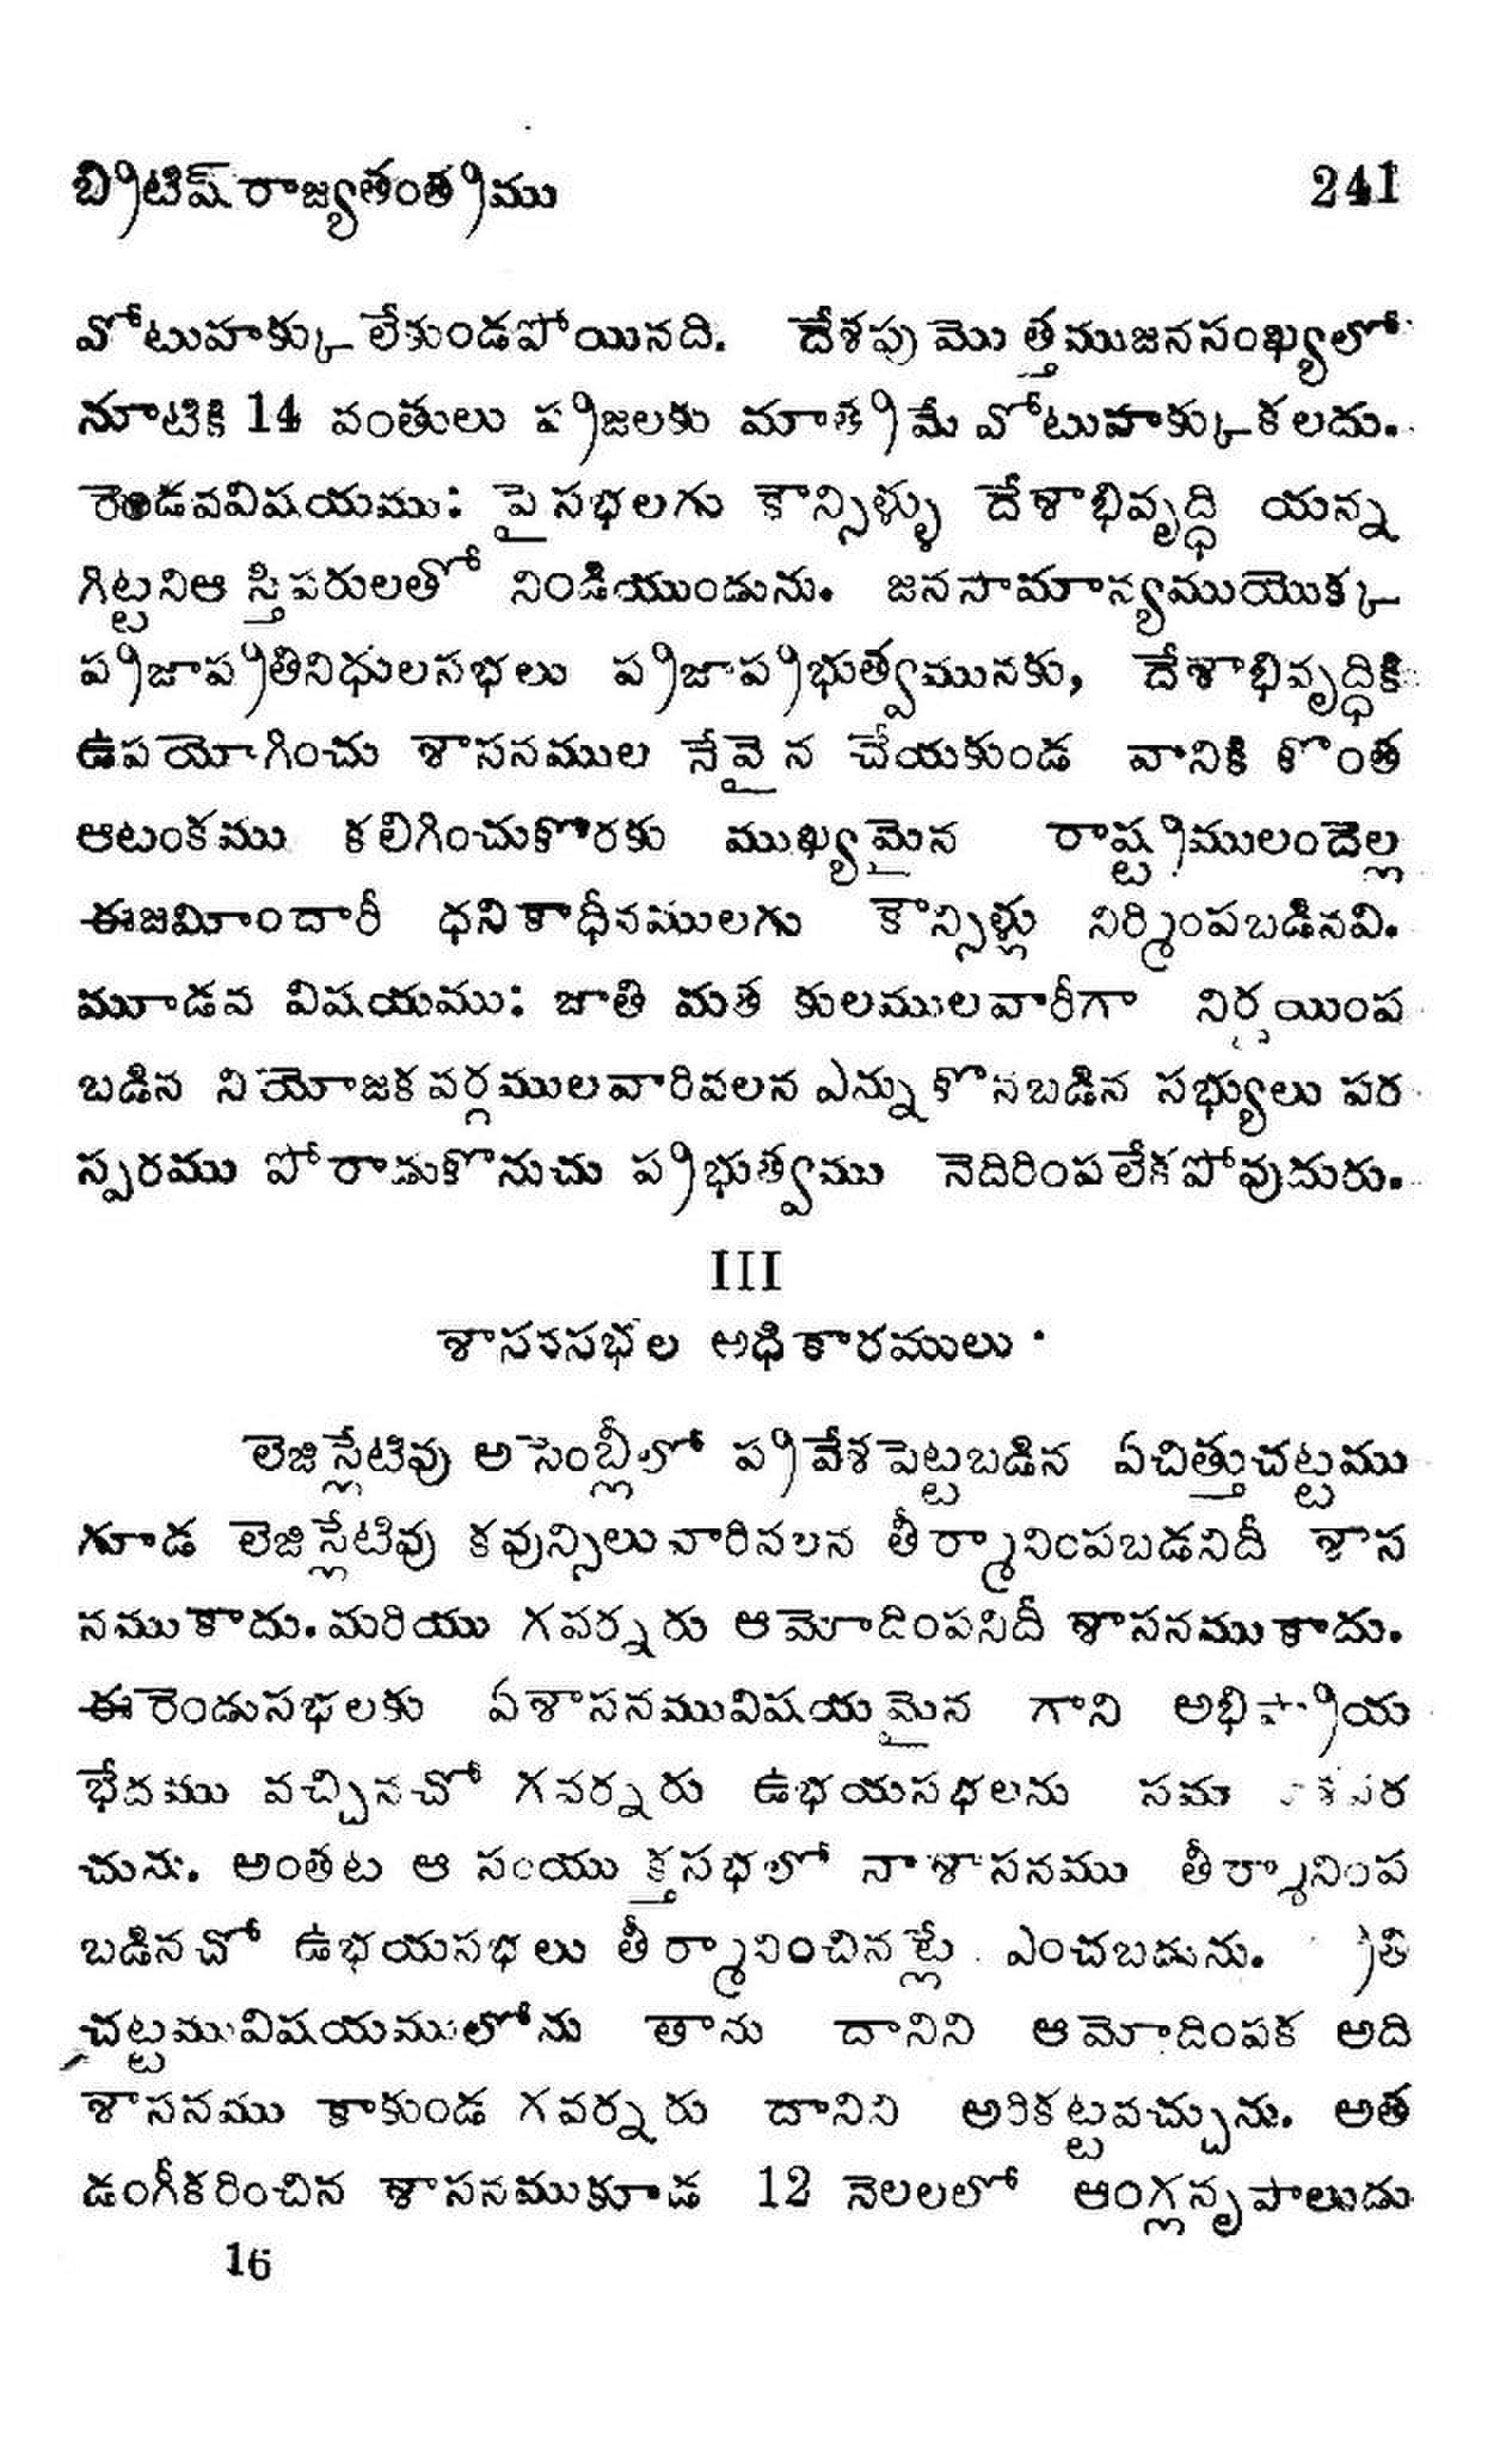వోటుహక్కు లేకుండపోయినది. దేశపుమొత్తముజనసంఖ్యలో నూటికి 14 వంతులు ప్రజలకు మాత్రమే వోటుహక్కు కలదు. రెండవవిషయము: పైసభలగు కౌన్సిళ్ళు దేశాభివృద్ధి యన్న గిట్టనిఆస్తిపరులతో నిండియుండును. జనసామాన్యముయొక్క ప్రజాప్రతినిధులసభలు ప్రజాప్రభుత్వమునకు, దేశాభివృద్ధికి ఉపయోగించు శాసనముల నేవైన చేయకుండ వానికి కొంత ఆటంకము కలిగించుకొరకు ముఖ్యమైన రాష్ట్రములందెల్ల ఈజమీందారీ ధనికాధీనములగు కౌన్సిళ్లు నిర్మింపబడినవి. మూడవ విషయము: జాతి మత కులములవారీగా నిర్ణయింపబడిన నియోజకవర్గముల వారివలన ఎన్నుకొనబడిన సభ్యులు పరస్పరము పోరాడుకొనుచు ప్రభుత్వము నెదిరింపలేకపోవుదురు.

III
శాసనసభల అధికారములు 

లెజిస్లేటివు అసెంబ్లీలో ప్రవేశపెట్టబడిన ఏచిత్తుచట్టముగూడ లెజిస్లేటివు కవున్సిలువారివలన తీర్మానింపబడనిదీ శాసనముకాదు. మరియు గవర్నరు ఆమోదింపనిదీ శాసనముకాదు. ఈరెండుసభలకు ఏశాసనమువిషయమైన గాని అభిప్రాయభేదము వచ్చినచో గవర్నరు ఉభయసభలను సమావేశపరచును. అంతట ఆ సంయుక్తసభలో నాశాసనము తీర్మానింపబడినచో ఉభయసభలు తీర్మానించినట్లే ఎంచబడును. ప్రతిచట్టమువిషయములోను తాను దానిని ఆమోదింపక అది శాసనము కాకుండ గవర్నరు దానిని అరికట్టవచ్చును. అతడంగీకరించిన శాసనముకూడ 12 నెలలలో ఆంగ్లనృపాలుడు